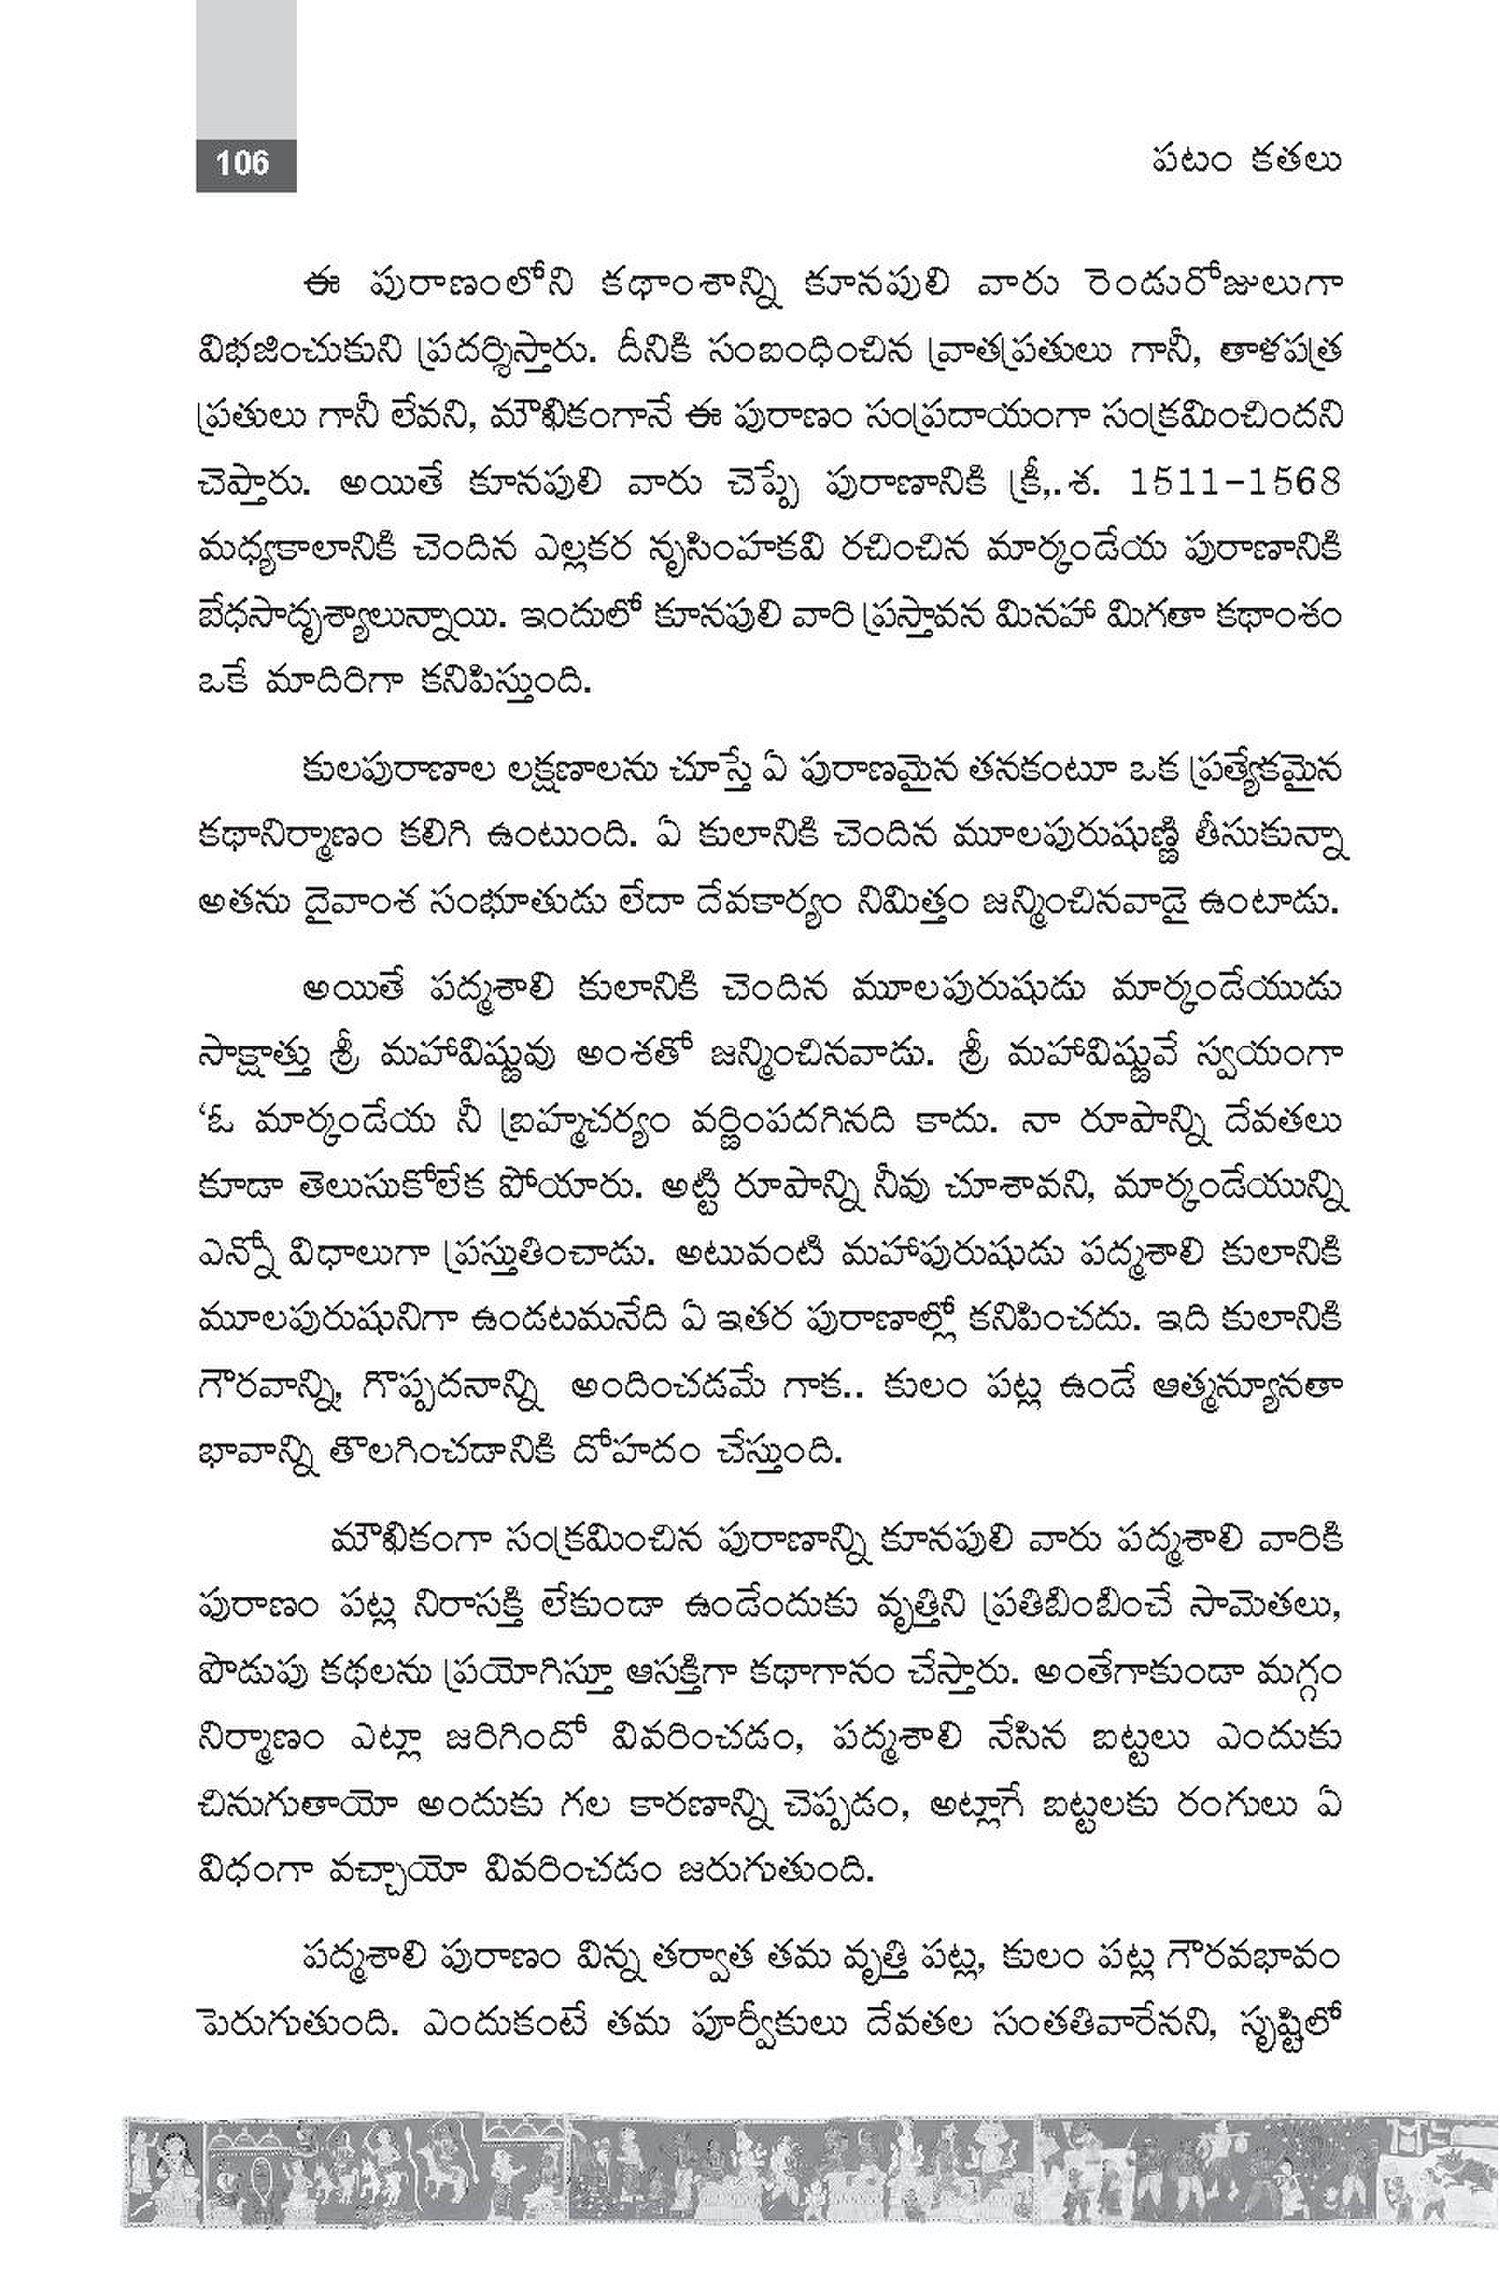ఈ పురాణంలోని కథాంశాన్ని కూనపులి వారు రెండురోజులుగా విభజించుకుని ప్రదర్శిస్తారు. దీనికి సంబంధించిన వ్రాతప్రతులు గానీ, తాళపత్ర ప్రతులు గానీ లేవని, మౌఖికంగానే ఈ పురాణం సంప్రదాయంగా సంక్రమించిందని
చెప్తారు. అయితే కూనపులి వారు చెప్పే పురాణానికి క్రీ.శ. 1511-1568 మధ్యకాలానికి చెందిన ఎల్లకర నృసింహకవి రచించిన మార్కండేయ పురాణానికి బేధసాదృశ్యాలున్నాయి. ఇందులో కూనపులి వారి ప్రస్తావన మినహా మిగతా కథాంశం
ఒకే మాదిరిగా కనిపిస్తుంది.

కులపురాణాల లక్షణాలను చూస్తే ఏ పురాణమైన తనకంటూ ఒక ప్రత్యేకమైన కథానిర్మాణం కలిగి ఉంటుంది. ఏ కులానికి చెందిన మూలపురుషుణ్ణి తీసుకున్నా అతను దైవాంశ సంభూతుడు లేదా దేవకార్యం నిమిత్తం జన్మించినవాడై ఉంటాడు.

అయితే పద్మశాలి కులానికి చెందిన మూలపురుషుడు మార్కండేయుడు సాక్షాత్తు శ్రీ మహావిష్ణువు అంశతో జన్మించినవాడు. శ్రీ మహావిష్ణువే స్వయంగా 'ఓ మార్కండేయ నీ బ్రహ్మచర్యం వర్ణింపదగినది కాదు. నా రూపాన్ని దేవతలు కూడా తెలుసుకోలేక పోయారు. అట్టి రూపాన్ని నీవు చూశావని, మార్కండేయున్ని ఎన్నో విధాలుగా ప్రస్తుతించాడు. అటువంటి మహాపురుషుడు పద్మశాలి కులానికి మూలపురుషునిగా ఉండటమనేది ఏ ఇతర పురాణాల్లో కనిపించదు. ఇది కులానికి
గౌరవాన్ని, గొప్పదనాన్ని అందించడమే గాక.. కులం పట్ల ఉండే ఆత్మన్యూనతా భావాన్ని తొలగించడానికి దోహదం చేస్తుంది.

మౌఖికంగా సంక్రమించిన పురాణాన్ని కూనపులి వారు పద్మశాలి వారికి పురాణం పట్ల నిరాసక్తి లేకుండా ఉండేందుకు వృత్తిని ప్రతిబింబించే సామెతలు, పొడుపు కథలను ప్రయోగిస్తూ ఆసక్తిగా కథాగానం చేస్తారు. అంతేగాకుండా మగ్గం
నిర్మాణం ఎట్లా జరిగిందో వివరించడం, పద్మశాలి నేసిన బట్టలు ఎందుకు చినుగుతాయో అందుకు గల కారణాన్ని చెప్పడం, అట్లాగే బట్టలకు రంగులు ఏ విధంగా వచ్చాయో వివరించడం జరుగుతుంది.

పద్మశాలి పురాణం విన్న తర్వాత తమ వృత్తి పట్ల, కులం పట్ల గౌరవభావం పెరుగుతుంది. ఎందుకంటే తమ పూర్వీకులు దేవతల సంతతివారేనని, సృష్టిలో